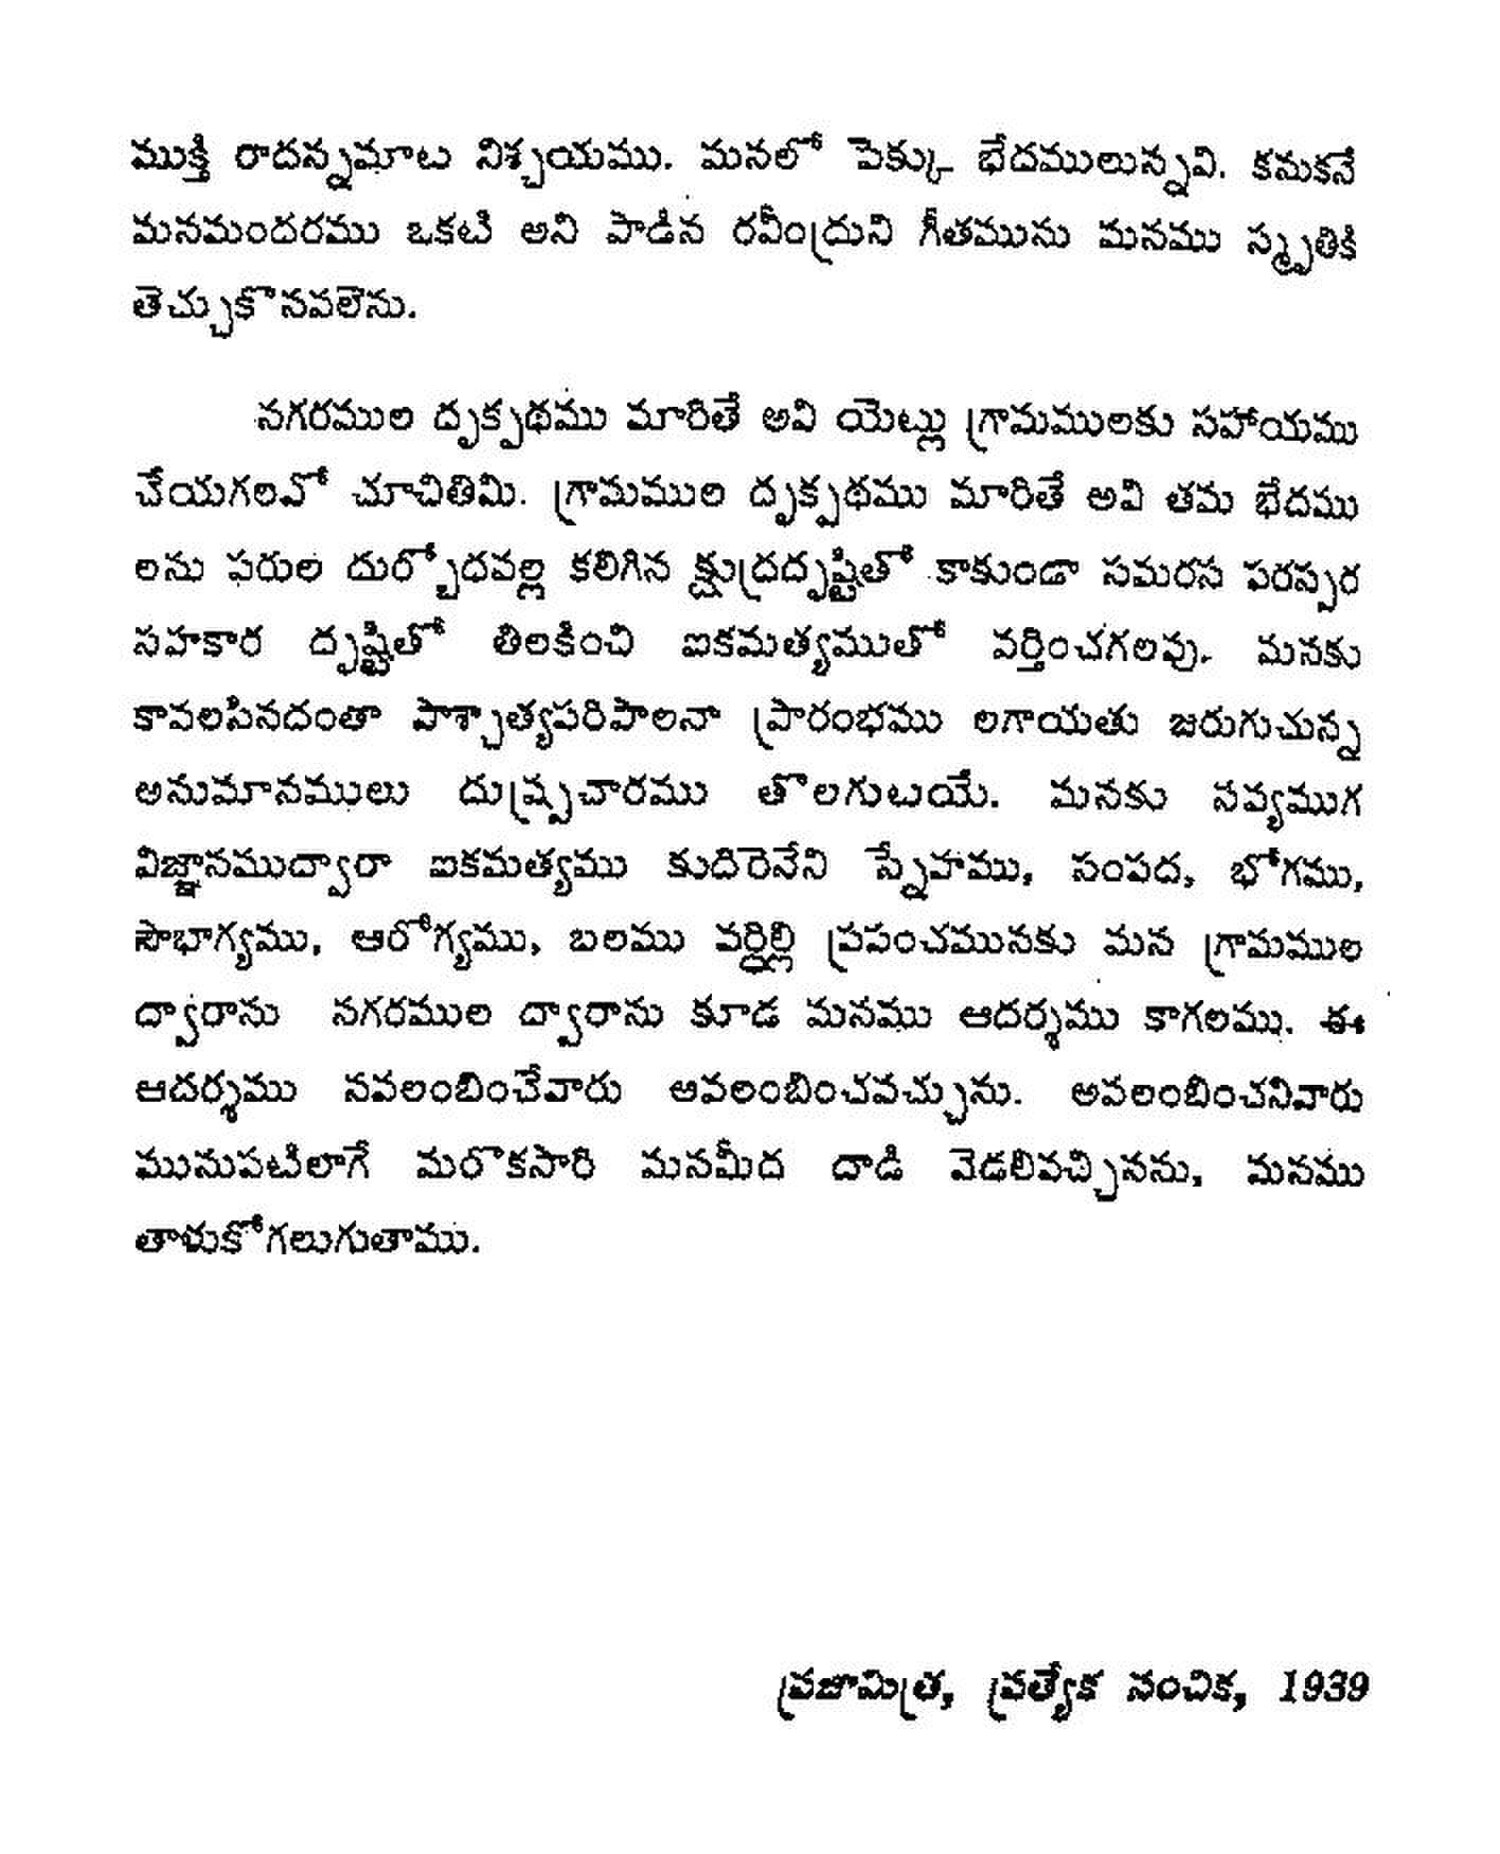ముక్తి రాదన్నమాట నిశ్చయము. మనలో పెక్కు భేదములున్నవి. కనుకనే మనమందరము ఒకటి అని పాడిన రవీంద్రుని గీతమును మనము స్మృతికి తెచ్చుకొనవలెను.

నగరముల దృక్పథము మారితే అవి యెట్లు గ్రామములకు సహాయము చేయగలవో చూచితిమి. గ్రామముల దృక్పథము మారితే అవి తమ భేదములను పరుల దుర్భోదవల్ల కలిగిన క్షుద్రదృష్టితో కాకుండ సమరస పరస్పర సహకార దృష్టితో తిలకించి ఐకమత్యముతో వర్తించగలవు. మనకు కావలసినదంతా పాశ్చాత్యపరిపాలనా ప్రారంభము లగాయతు జరుగుచున్న అనుమానములు దుష్ప్రచారము తొలగుటయే. మనకు సవ్యముగ విజ్ఞానముద్వారా ఐకమత్యము కుదరెనేని స్నేహము, సంపద, భోగము, సౌభాగ్యము, ఆరోగ్యము, బలము వర్ధిల్లి ప్రపంచమునకు మన గ్రామముల ద్వారాను నగరముల ద్వారాను కూడ మనము ఆదర్శము కాగలము. ఈ ఆదర్శము నవలంభించేవారు అవలంబించవచ్చును. అవలంబించనివారు మునుపటిలాగే మరొకసారి మనమీద దాడి వెడలివచ్చినను, మనము తాళుకోగలుగుతాము.